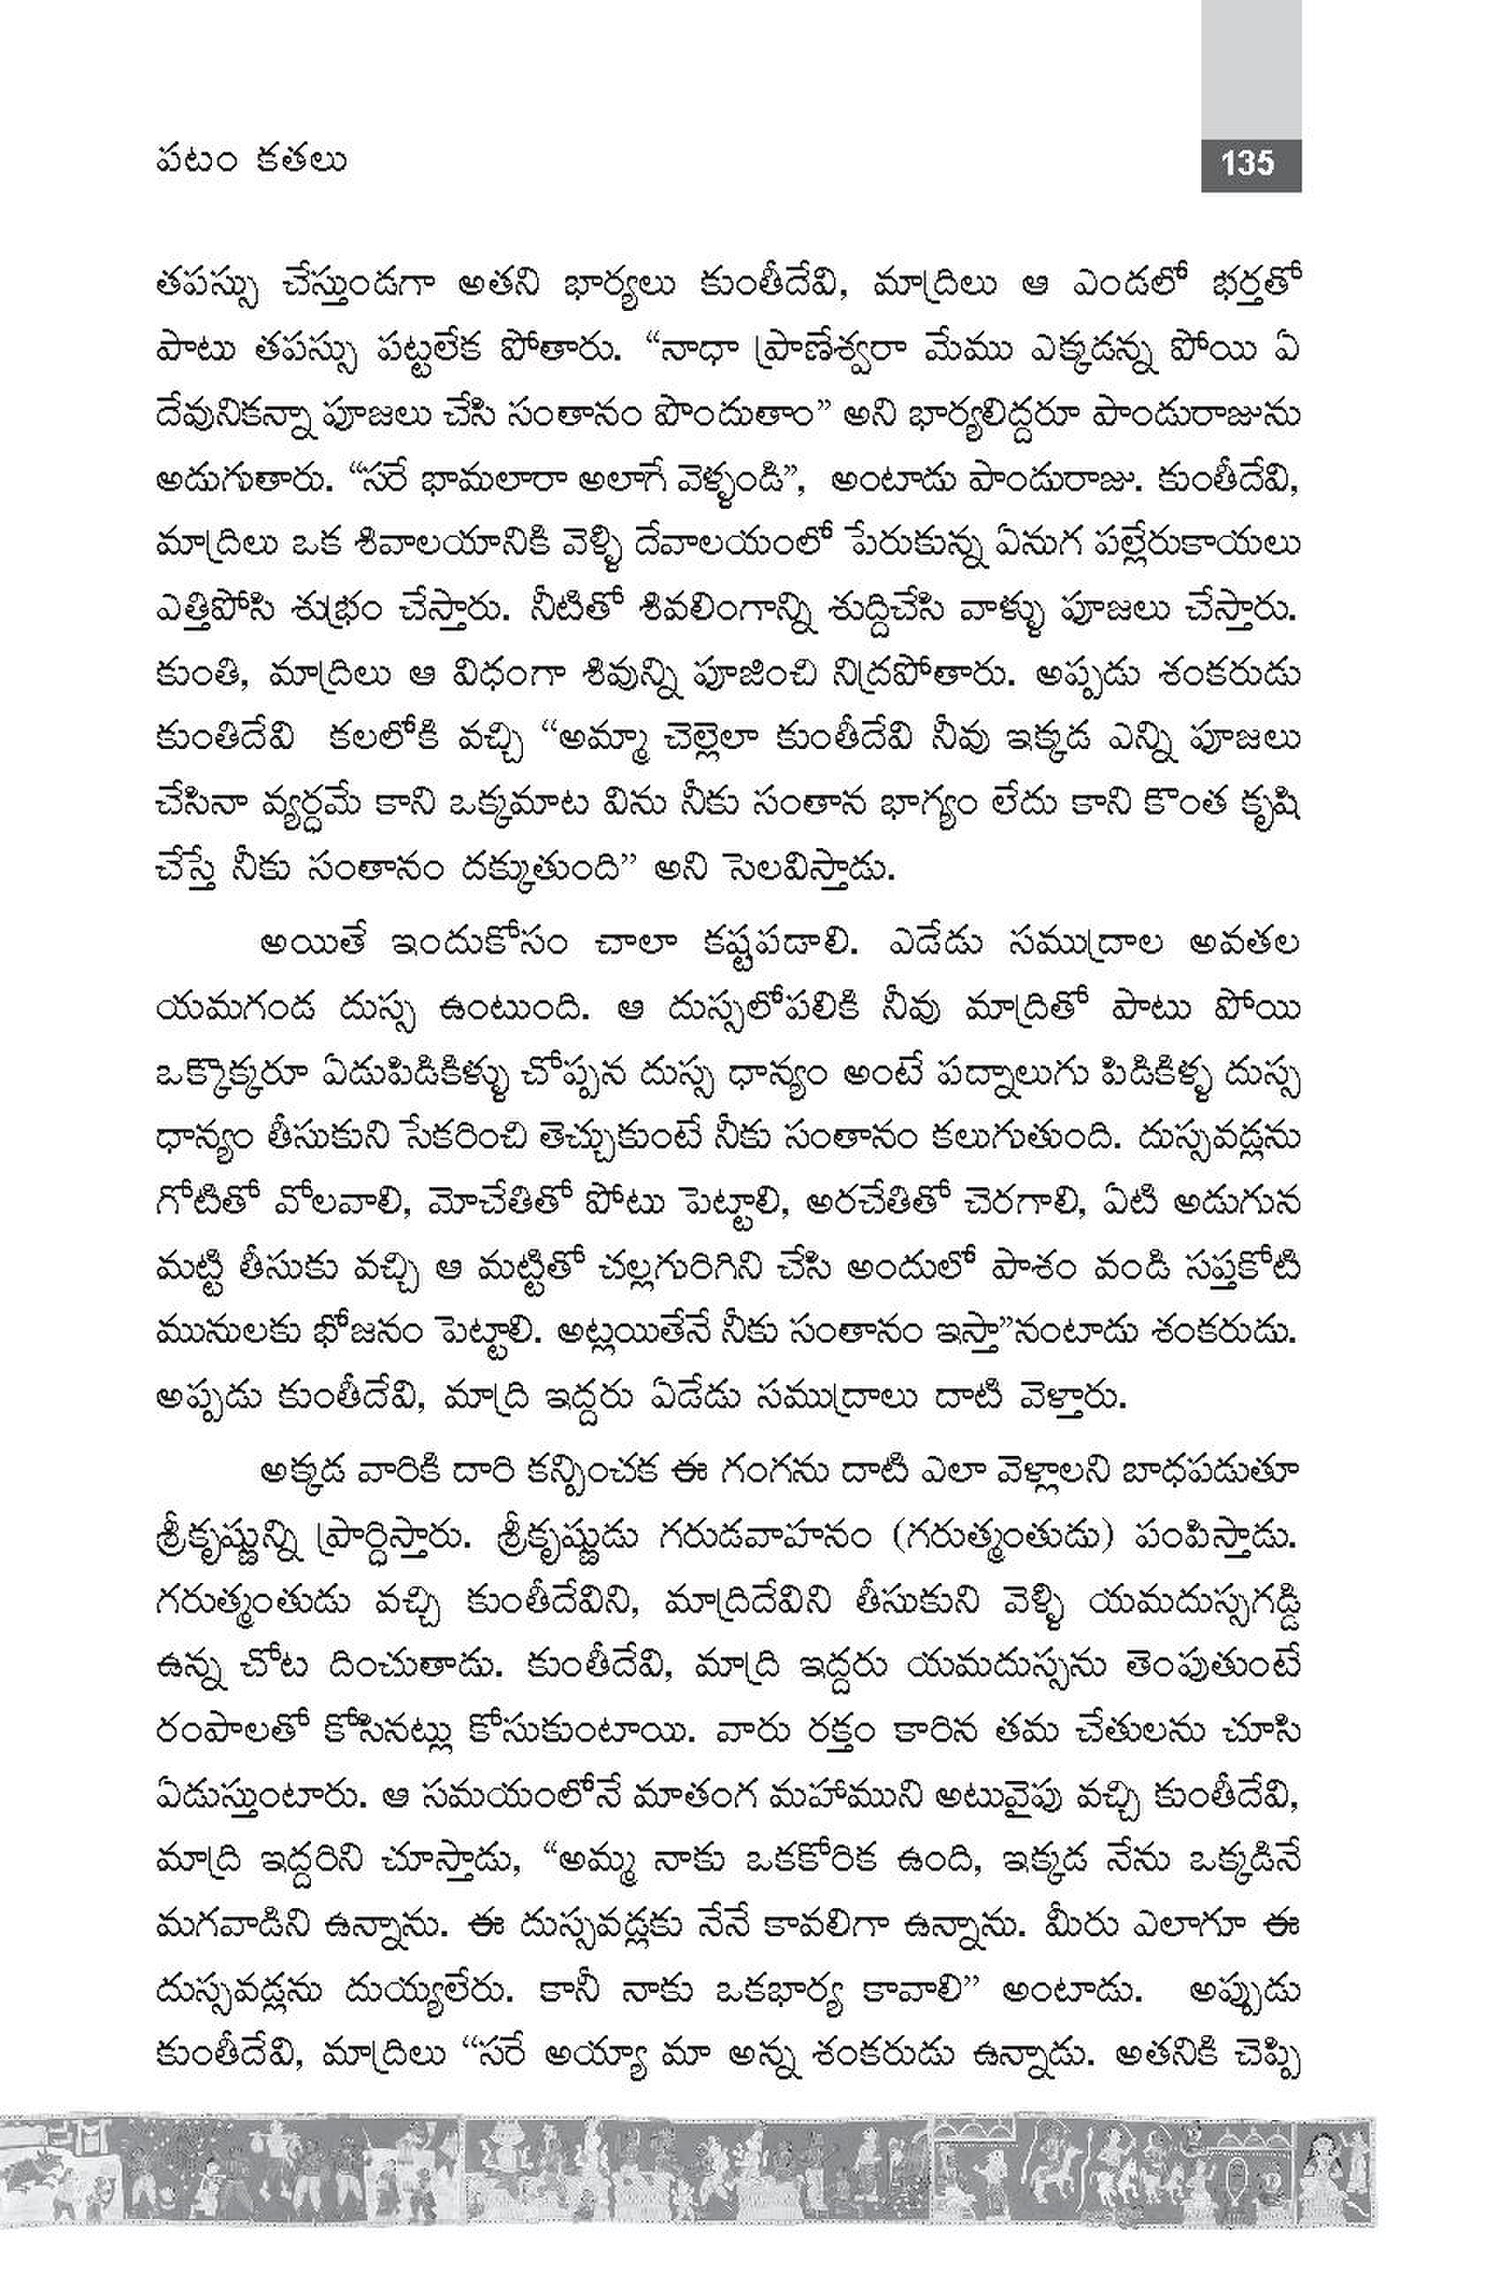తపస్సు చేస్తుండగా అతని భార్యలు కుంతీదేవి, మాద్రిలు ఆ ఎండలో భర్తతో పాటు తపస్సు పట్టలేక పోతారు. "నాధా ప్రాణేశ్వరా మేము ఎక్కడన్న పోయి ఏ దేవునికన్నా పూజలు చేసి సంతానం పొందుతాం" అని భార్యలిద్దరూ పాండు రాజును అడుగుతారు. “సరే భామలారా అలాగే వెళ్ళండి", అంటాడు పాండురాజు. కుంతీదేవి, మాద్రిలు ఒక శివాలయానికి వెళ్ళి దేవాలయంలో పేరుకున్న ఏనుగ పల్లేరుకాయలు ఎత్తిపోసి శుభ్రం చేస్తారు. నీటితో శివలింగాన్ని శుద్ధిచేసి వాళ్ళు పూజలు చేస్తారు. కుంతి, మాద్రిలు ఆ విధంగా శివున్ని పూజించి నిద్రపోతారు. అప్పడు శంకరుడు
కుంతిదేవి కలలోకి వచ్చి "అమ్మా చెల్లెలా కుంతీదేవి నీవు ఇక్కడ ఎన్ని పూజలు చేసినా వ్యర్ధమే కాని ఒక్కమాట విను నీకు సంతాన భాగ్యం లేదు కాని కొంత కృషి చేస్తే నీకు సంతానం దక్కుతుంది" అని సెలవిస్తాడు.

అయితే ఇందుకోసం చాలా కష్టపడాలి. ఏడేడు సముద్రాల అవతల యమగండ దుస్స ఉంటుంది. ఆ దుస్సలోపలికి నీవు మాద్రితో పాటు పోయి ఒక్కొక్కరూ ఏడుపిడికిళ్ళు చొప్పన దుస్స ధాన్యం అంటే పద్నాలుగు పిడికిళ్ళ దుస్స ధాన్యం తీసుకుని సేకరించి తెచ్చుకుంటే నీకు సంతానం కలుగుతుంది. దుస్సవడ్లను గోటితో వోలవాలి, మోచేతితో పోటు పెట్టాలి, అరచేతితో చెరగాలి, ఏటి అడుగున మట్టి తీసుకు వచ్చి ఆ మట్టితో చల్లగురిగిని చేసి అందులో పాశం వండి సప్తకోటి మునులకు భోజనం పెట్టాలి. అట్లయితేనే నీకు సంతానం ఇస్తానంటాడు శంకరుడు. అప్పుడు కుంతీదేవి, మాద్రి ఇద్దరు ఏడేడు సముద్రాలు దాటి వెళ్తారు.

అక్కడ వారికి దారి కన్పించక ఈ గంగను దాటి ఎలా వెళ్లాలని బాధపడుతూ శ్రీకృష్ణున్ని ప్రార్ధిస్తారు. శ్రీకృష్ణుడు గరుడవాహనం (గరుత్మంతుడు) పంపిస్తాడు. గరుత్మంతుడు వచ్చి కుంతీదేవిని, మాద్రిదేవిని తీసుకుని వెళ్ళి యమదుస్స గడ్డి ఉన్న చోట దించుతాడు. కుంతీదేవి, మాద్రి ఇద్దరు యమదుస్సను తెంపుతుంటే రంపాలతో కోసినట్లు కోసుకుంటాయి. వారు రక్తం కారిన తమ చేతులను చూసి ఏడుస్తుంటారు. ఆ సమయంలోనే మాతంగ మహాముని అటువైపు వచ్చి కుంతీదేవి, మాద్రి ఇద్దరిని చూస్తాడు, “అమ్మ నాకు ఒకకోరిక ఉంది, ఇక్కడ నేను ఒక్కడినే మగవాడిని ఉన్నాను. ఈ దుస్సవడ్లకు నేనే కావలిగా ఉన్నాను. మీరు ఎలాగూ ఈ దుస్సవడ్లను దుయ్యలేరు. కానీ నాకు ఒక భార్య కావాలి" అంటాడు. అప్పుడు కుంతీదేవి, మాద్రిలు “సరే అయ్యా మా అన్న శంకరుడు ఉన్నాడు. అతనికి చెప్పి